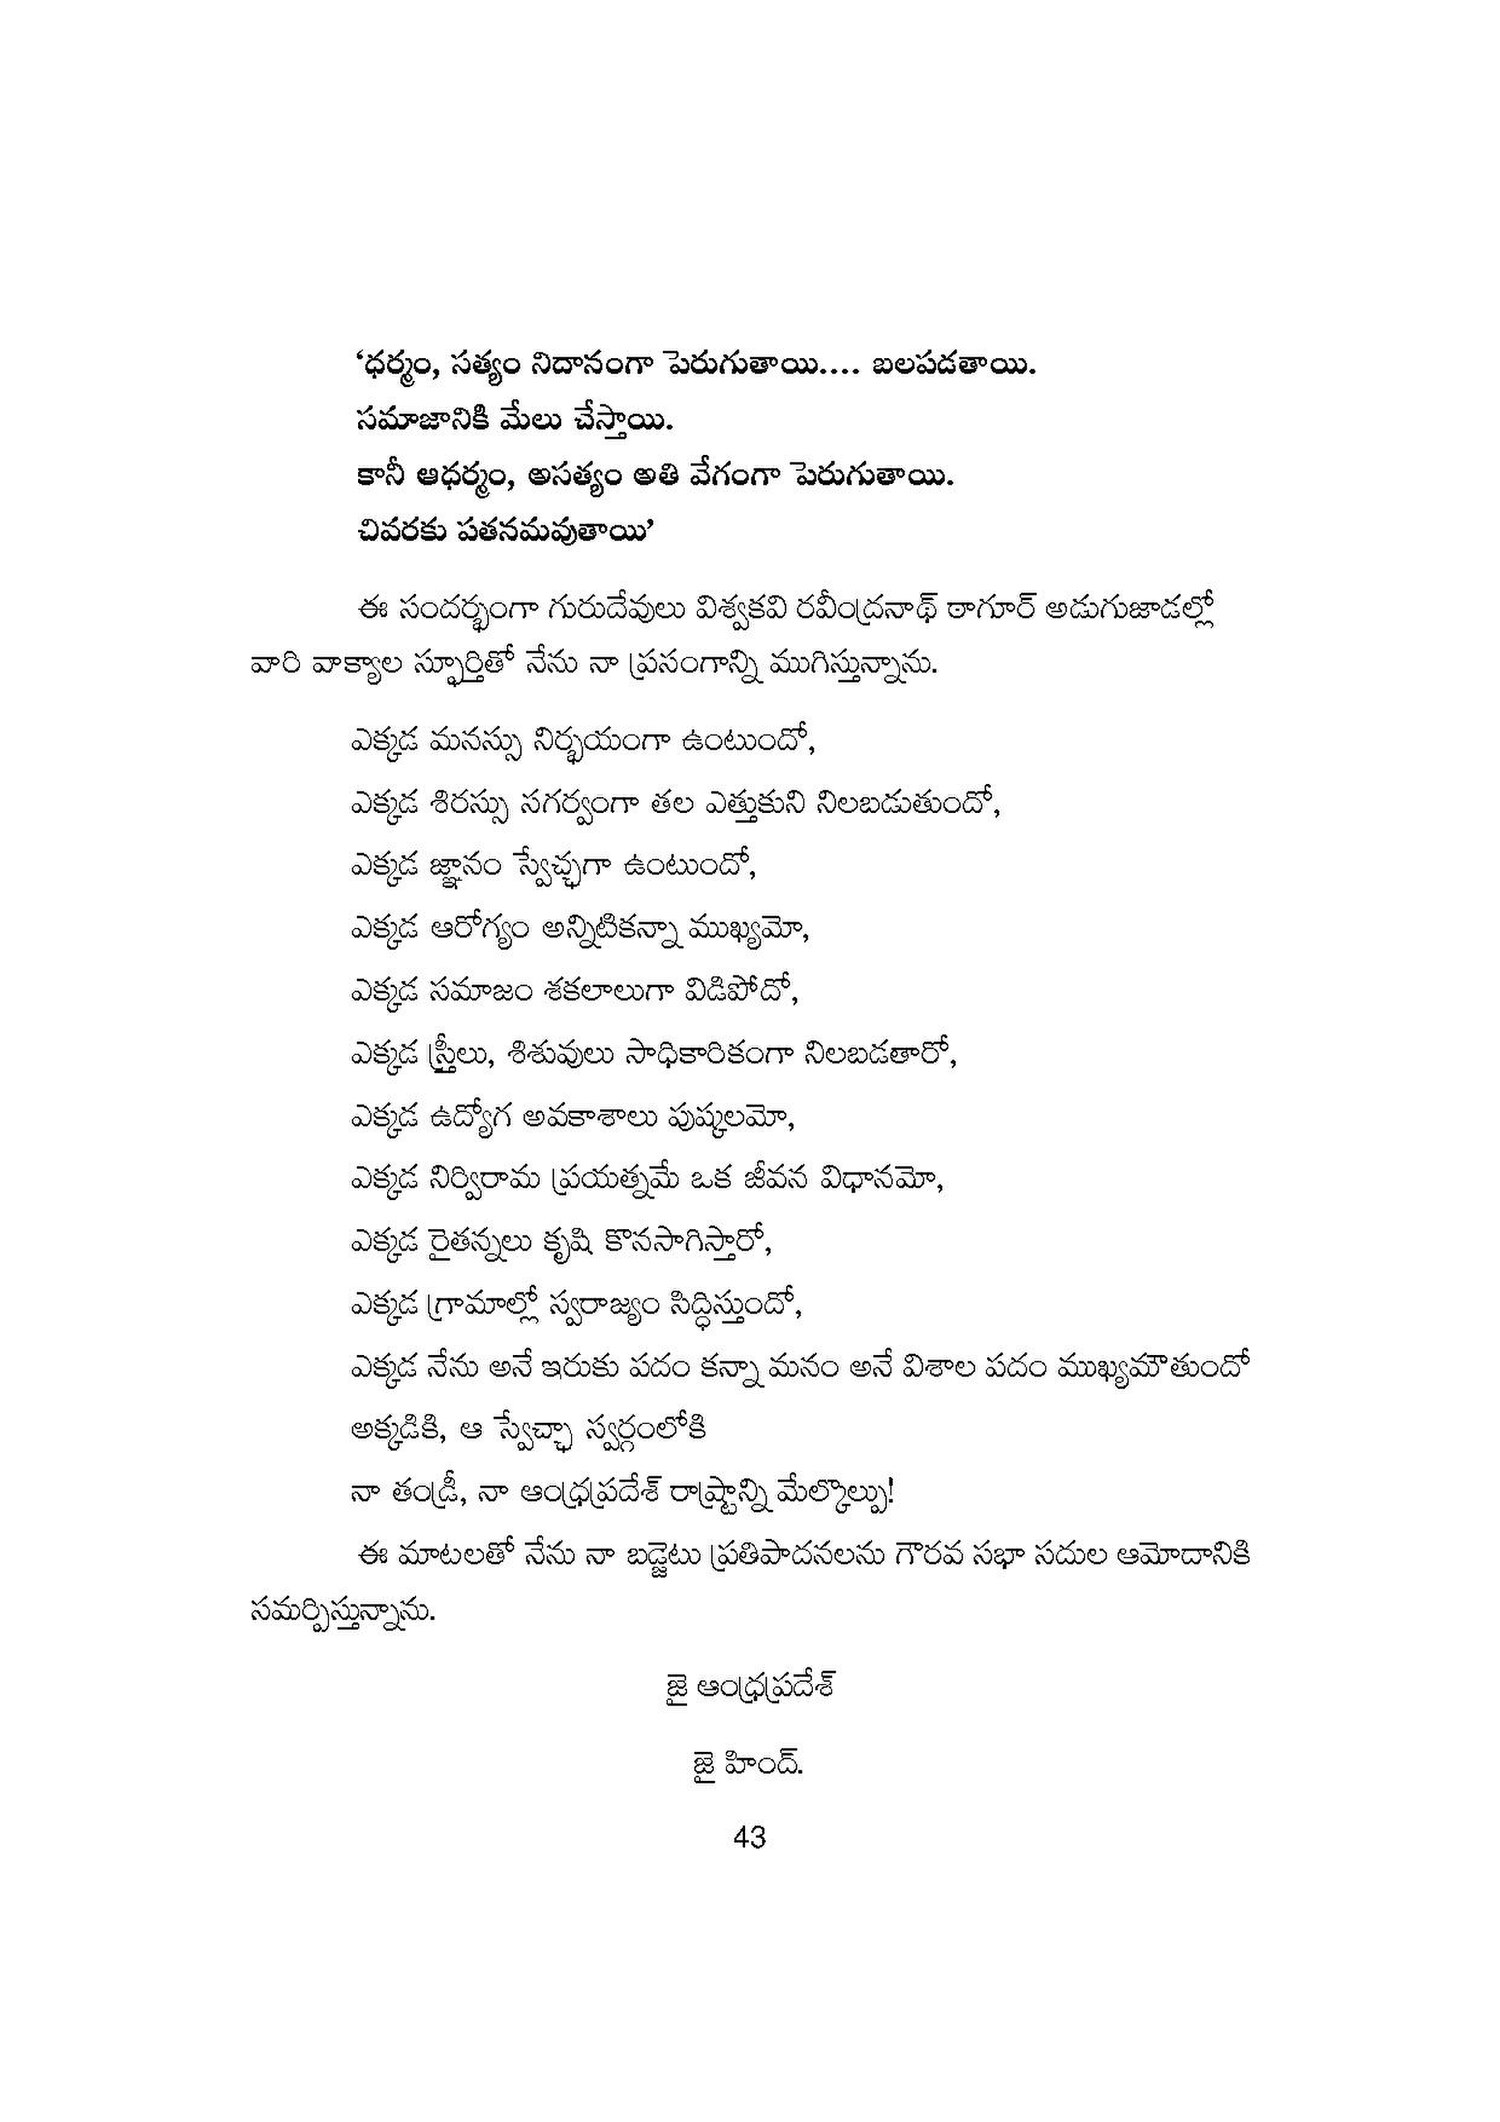'ధర్మం, సత్యం నిదానంగా పెరుగుతాయి.... బలపడతాయి.
సమాజానికి మేలు చేస్తాయి. 
కానీ ఆధర్మం, అసత్యం అతి వేగంగా పెరుగుతాయి.
 చివరకు పతనమవుతాయి' 
ఈ సందర్భంగా గురుదేవులు విశ్వకవి రవీంద్రనాథ్ ఠాగూర్ అడుగుజాడల్లో వారి వాక్యాల స్ఫూర్తితో నేను నా ప్రసంగాన్ని ముగిస్తున్నాను.

ఎక్కడ మనస్సు నిర్భయంగా ఉంటుందో, 
ఎక్కడ శిరస్సు సగర్వంగా తల ఎత్తుకుని నిలబడుతుందో, 
ఎక్కడ జ్ఞానం స్వేచ్ఛగా ఉంటుందో, 
ఎక్కడ ఆరోగ్యం అన్నిటికన్నా ముఖ్యమో, 
ఎక్కడ సమాజం శకలాలుగా విడిపోదో,
ఎక్కడ స్త్రీలు శిశువులు సాధికారికంగా నిలబడతారో, 
ఎక్కడ ఉద్యోగ అవకాశాలు పుష్కలమో, 
ఎక్కడ నిర్విరామ ప్రయత్నమే ఒక జీవన విధానమో, 
ఎక్కడ రైతన్నలు కృషి కొనసాగిస్తారో, 
ఎక్కడ గ్రామాల్లో స్వరాజ్యం సిద్ధిస్తుందో, 
ఎక్కడ నేను అనే ఇరుకు పదం కన్నా మనం అనే విశాల పదం ముఖ్యమౌతుందో 
అక్కడికి,ఆ స్వేచ్ఛా స్వర్గంలోకి 
నా తండ్రీ, నా ఆంధ్రప్రదేశ్ రాష్ట్రాన్ని మేల్కొల్పు! 
ఈ మాటలతో నేను నా బడ్జెటు ప్రతిపాదనలను గౌరవ సభా సదుల ఆమోదానికి సమర్పిస్తున్నాను.
జై ఆంధ్రప్రదేశ్
జై హింద్.